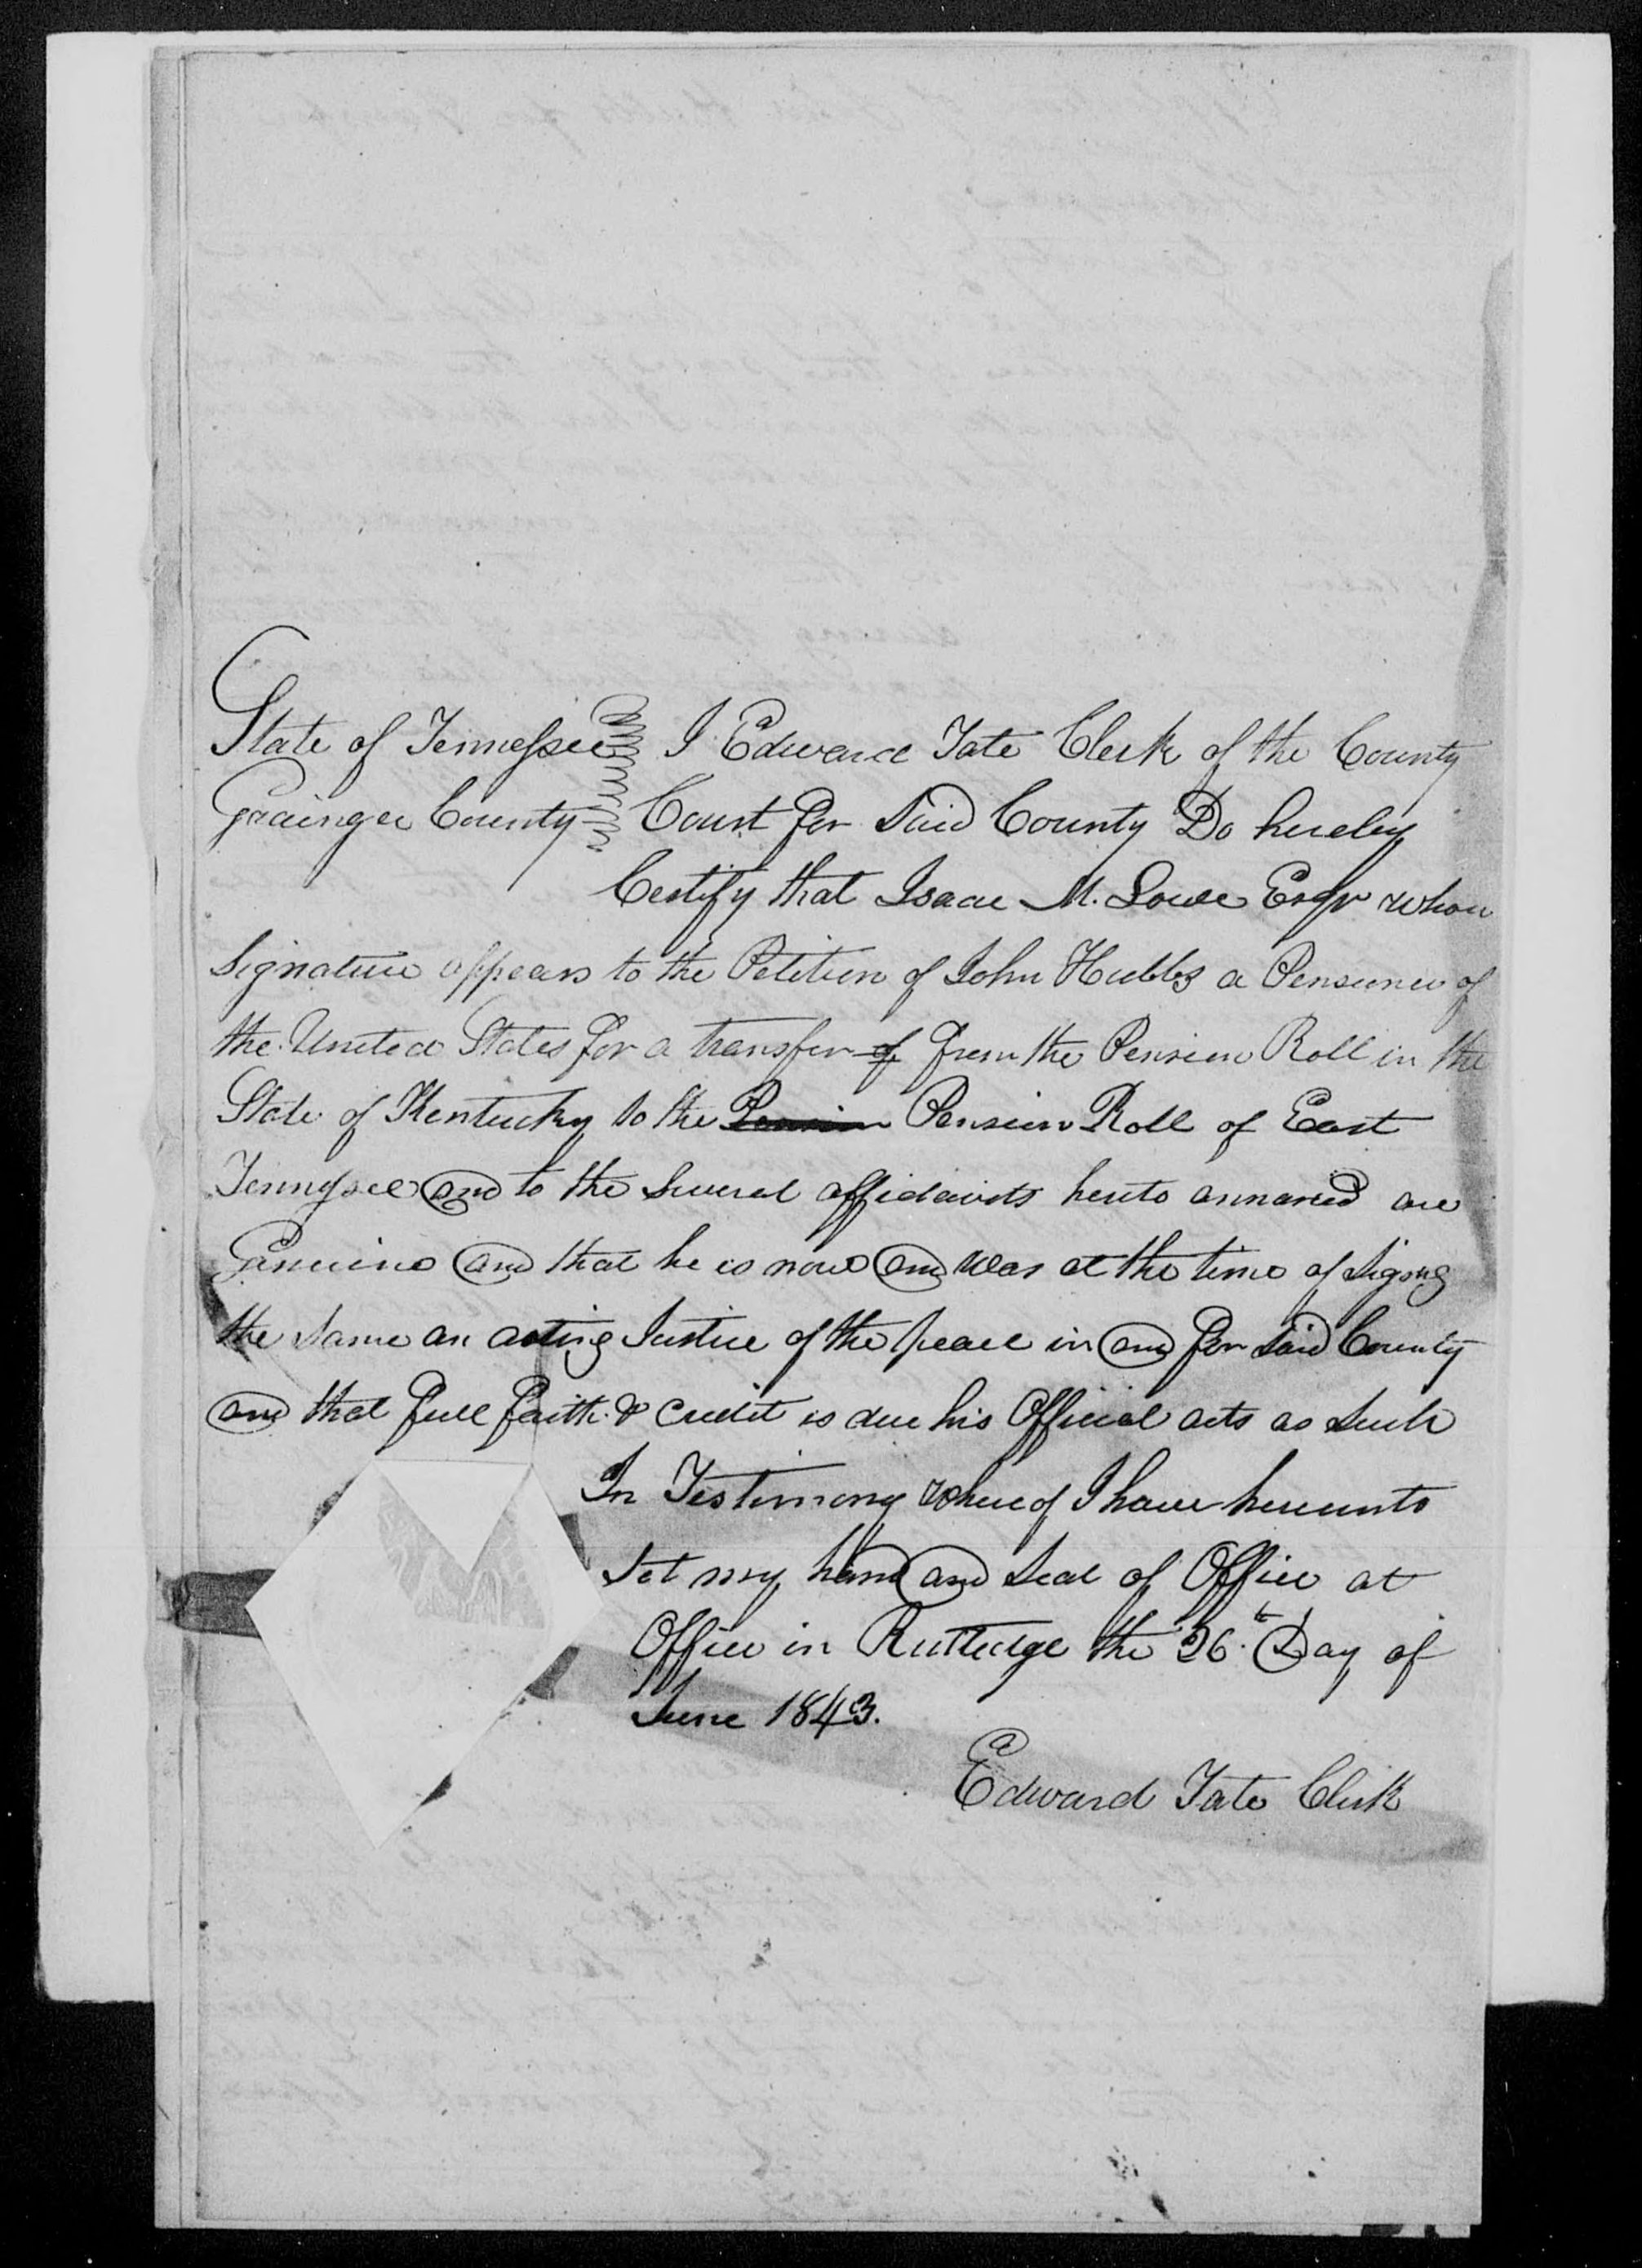State of Tennessee
Grainger County

I Edward Tate Clerk of the Court for Said County Do hereby Certify that Isaac M. Lorde Esq whose Signature appears to the Petition of John Hubbs a Pensioner of the United States for a transfer of from the Pension Roll in the State of Kentucky to the Pension Roll of East Tennessee to the several affidavits hereto annexed are Genuine and that he is now an was at the time of signing the same an acting Justice of the peace in and for said County and that full faith & credit is due his official acts as such.
In Testimony whereof I have hereunto
let my hand and seal of Office at
in Rutledge the 26th Day of June 1843
Edward Tate Clerk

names: John Hubbs, Edward Tate, Isaac M Lorde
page: 77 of 86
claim: widow's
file: W. 1035, John Hubbs, S.C.